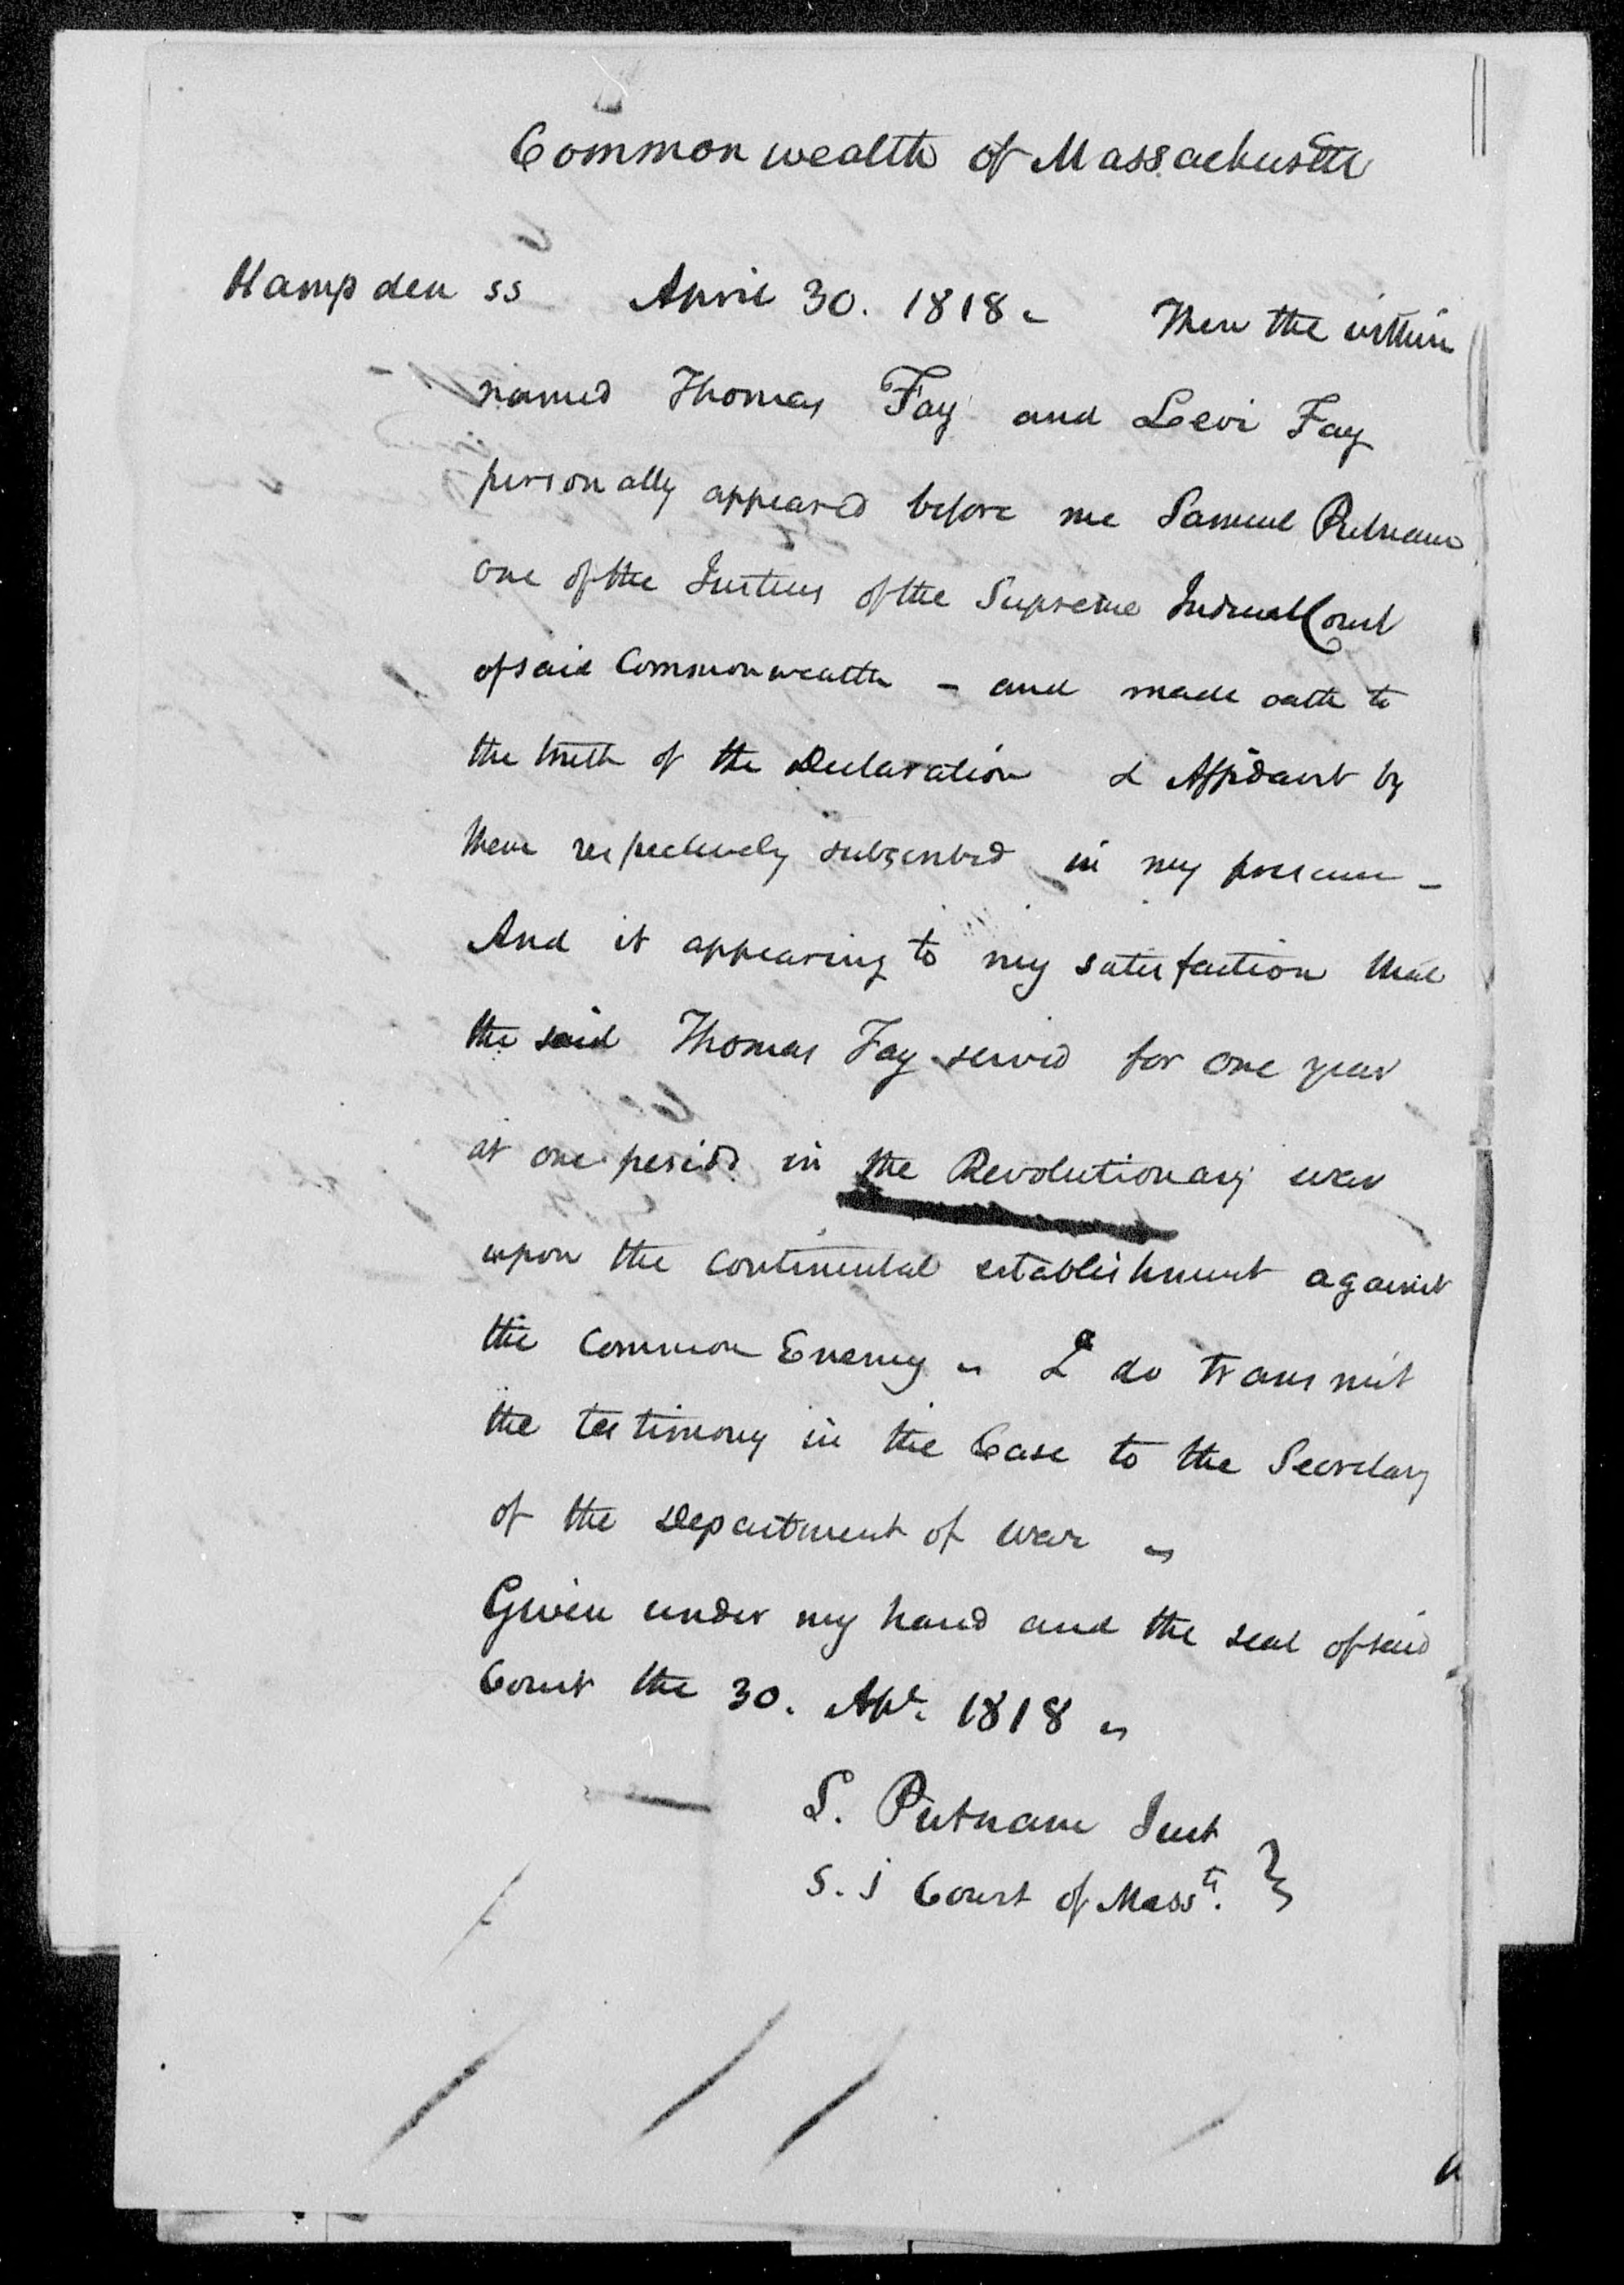Commonwealth of Massachusetts
Hampden SS April 30. 1818.
Then the within
named Thomas Fay and Levi Fay
personally appeared before me Samuel Putnam
one of the Justices of the Supreme Judicial Court
of said Commonwealth - and made oath to the truth of the Declaration & Affidant by were respectively subscribed in my presence - 
And it appearing to my satisfaction that the said Thomas
Fay served for one year at one period in the
Revolutionary war upon the continental establishment against the common Enemy - I do transmit
the testimony in the case to the Secretary
of the Department of War
Given under my hand and the seal of said
Court the 30. Apl 1818
by
S. Putnam Just
S. j Court of Mass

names: Thomas Fay, Thomas Fay, Samuel Putnam, S Putnam, Levi Fay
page: 5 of 31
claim: survivor's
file: S. 34,839, Thomas Fay, Mass.